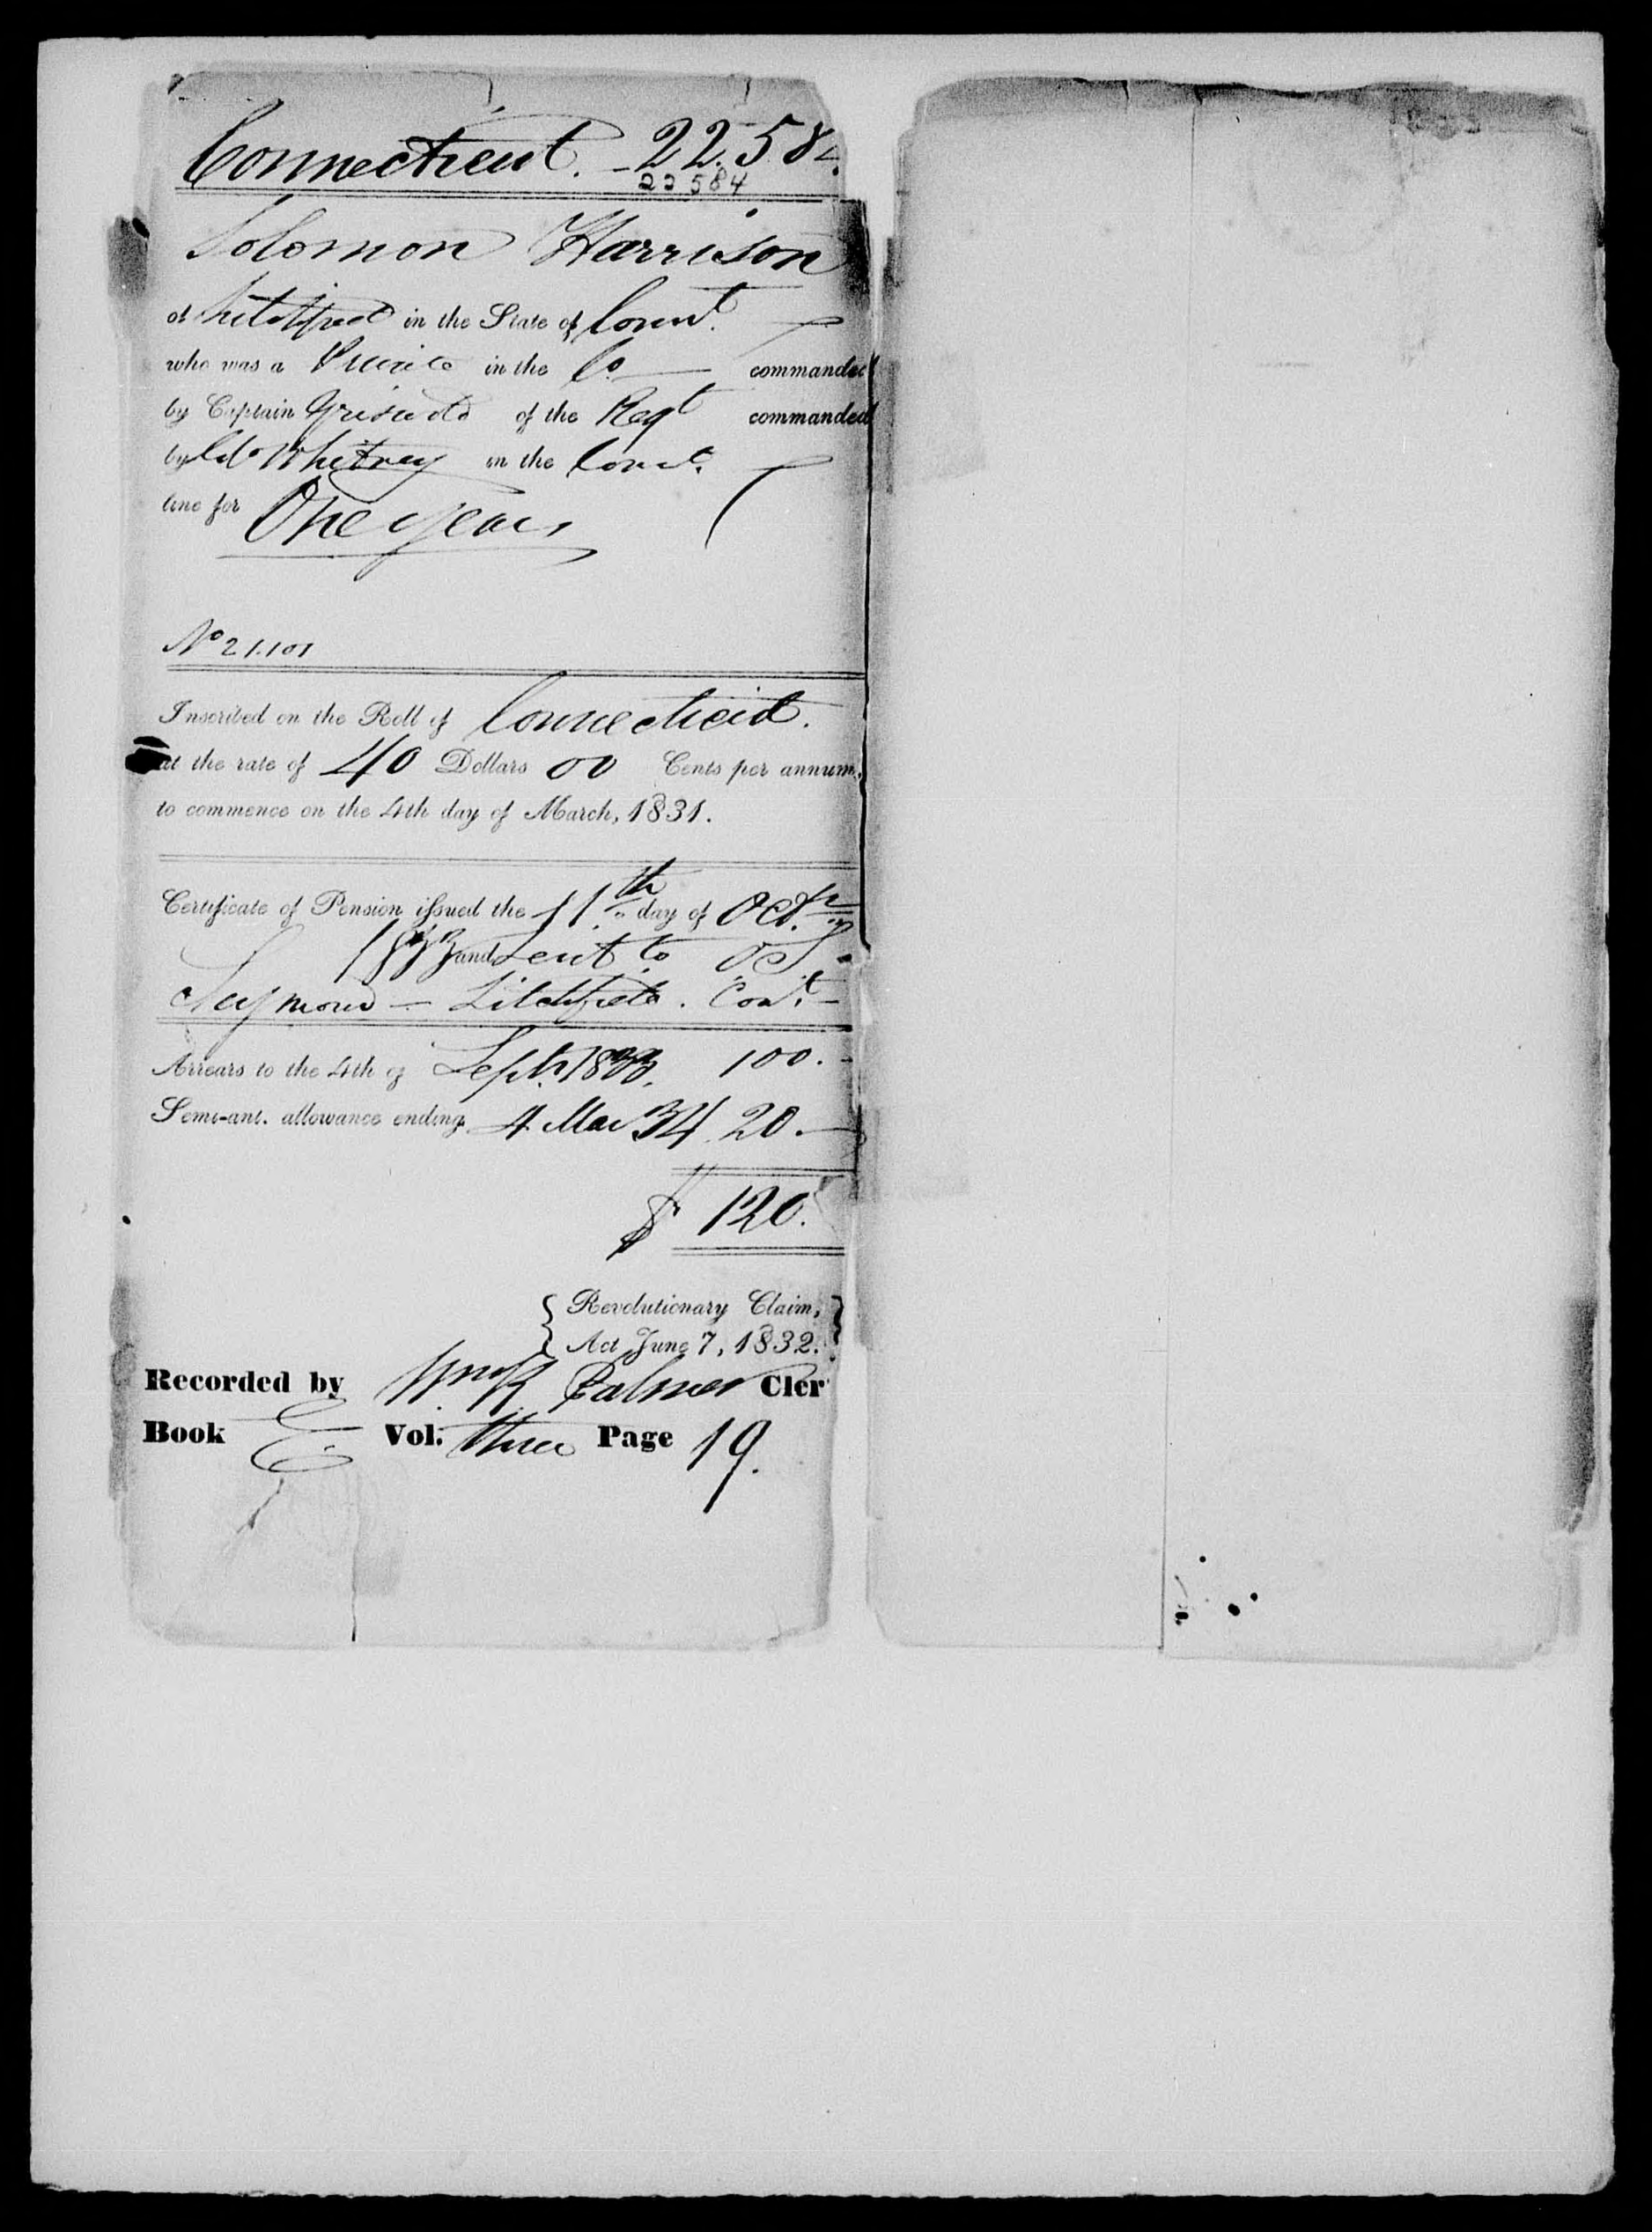Connecticut 22584
Solomon Harrison
of Litchfield filed in the State of Connt
who was a Private in the Co. commanded
by Captain Griswold of the Regt commanded
by Col Whitney in the Connt
line for One year
No 21. 101
Inscribed on the Roll of Connecticut.
the rate of 40 Dollars 00 Cents per annum
to commence on the 4th day of March, 1831.
Certificate of Pension issued the 11th day of Oct
1833 and sent to 
O S Seymour Litchfield Cont
Arrears to the 4th of Sept 1883 | 100.
Semi-anl. allowance ending 4 Mar 34 | 20
| $120
Revolutionary Claim,
Act June 7, 1832.
Recorded by W Palmer Clerk
Book E Vol three Page 19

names: Griswold, Solomon Harrison, Wm R Palmer, Whitney, O S Seymour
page: 2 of 22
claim: survivor's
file: S. 16137, Solomon Harrison, Conn.